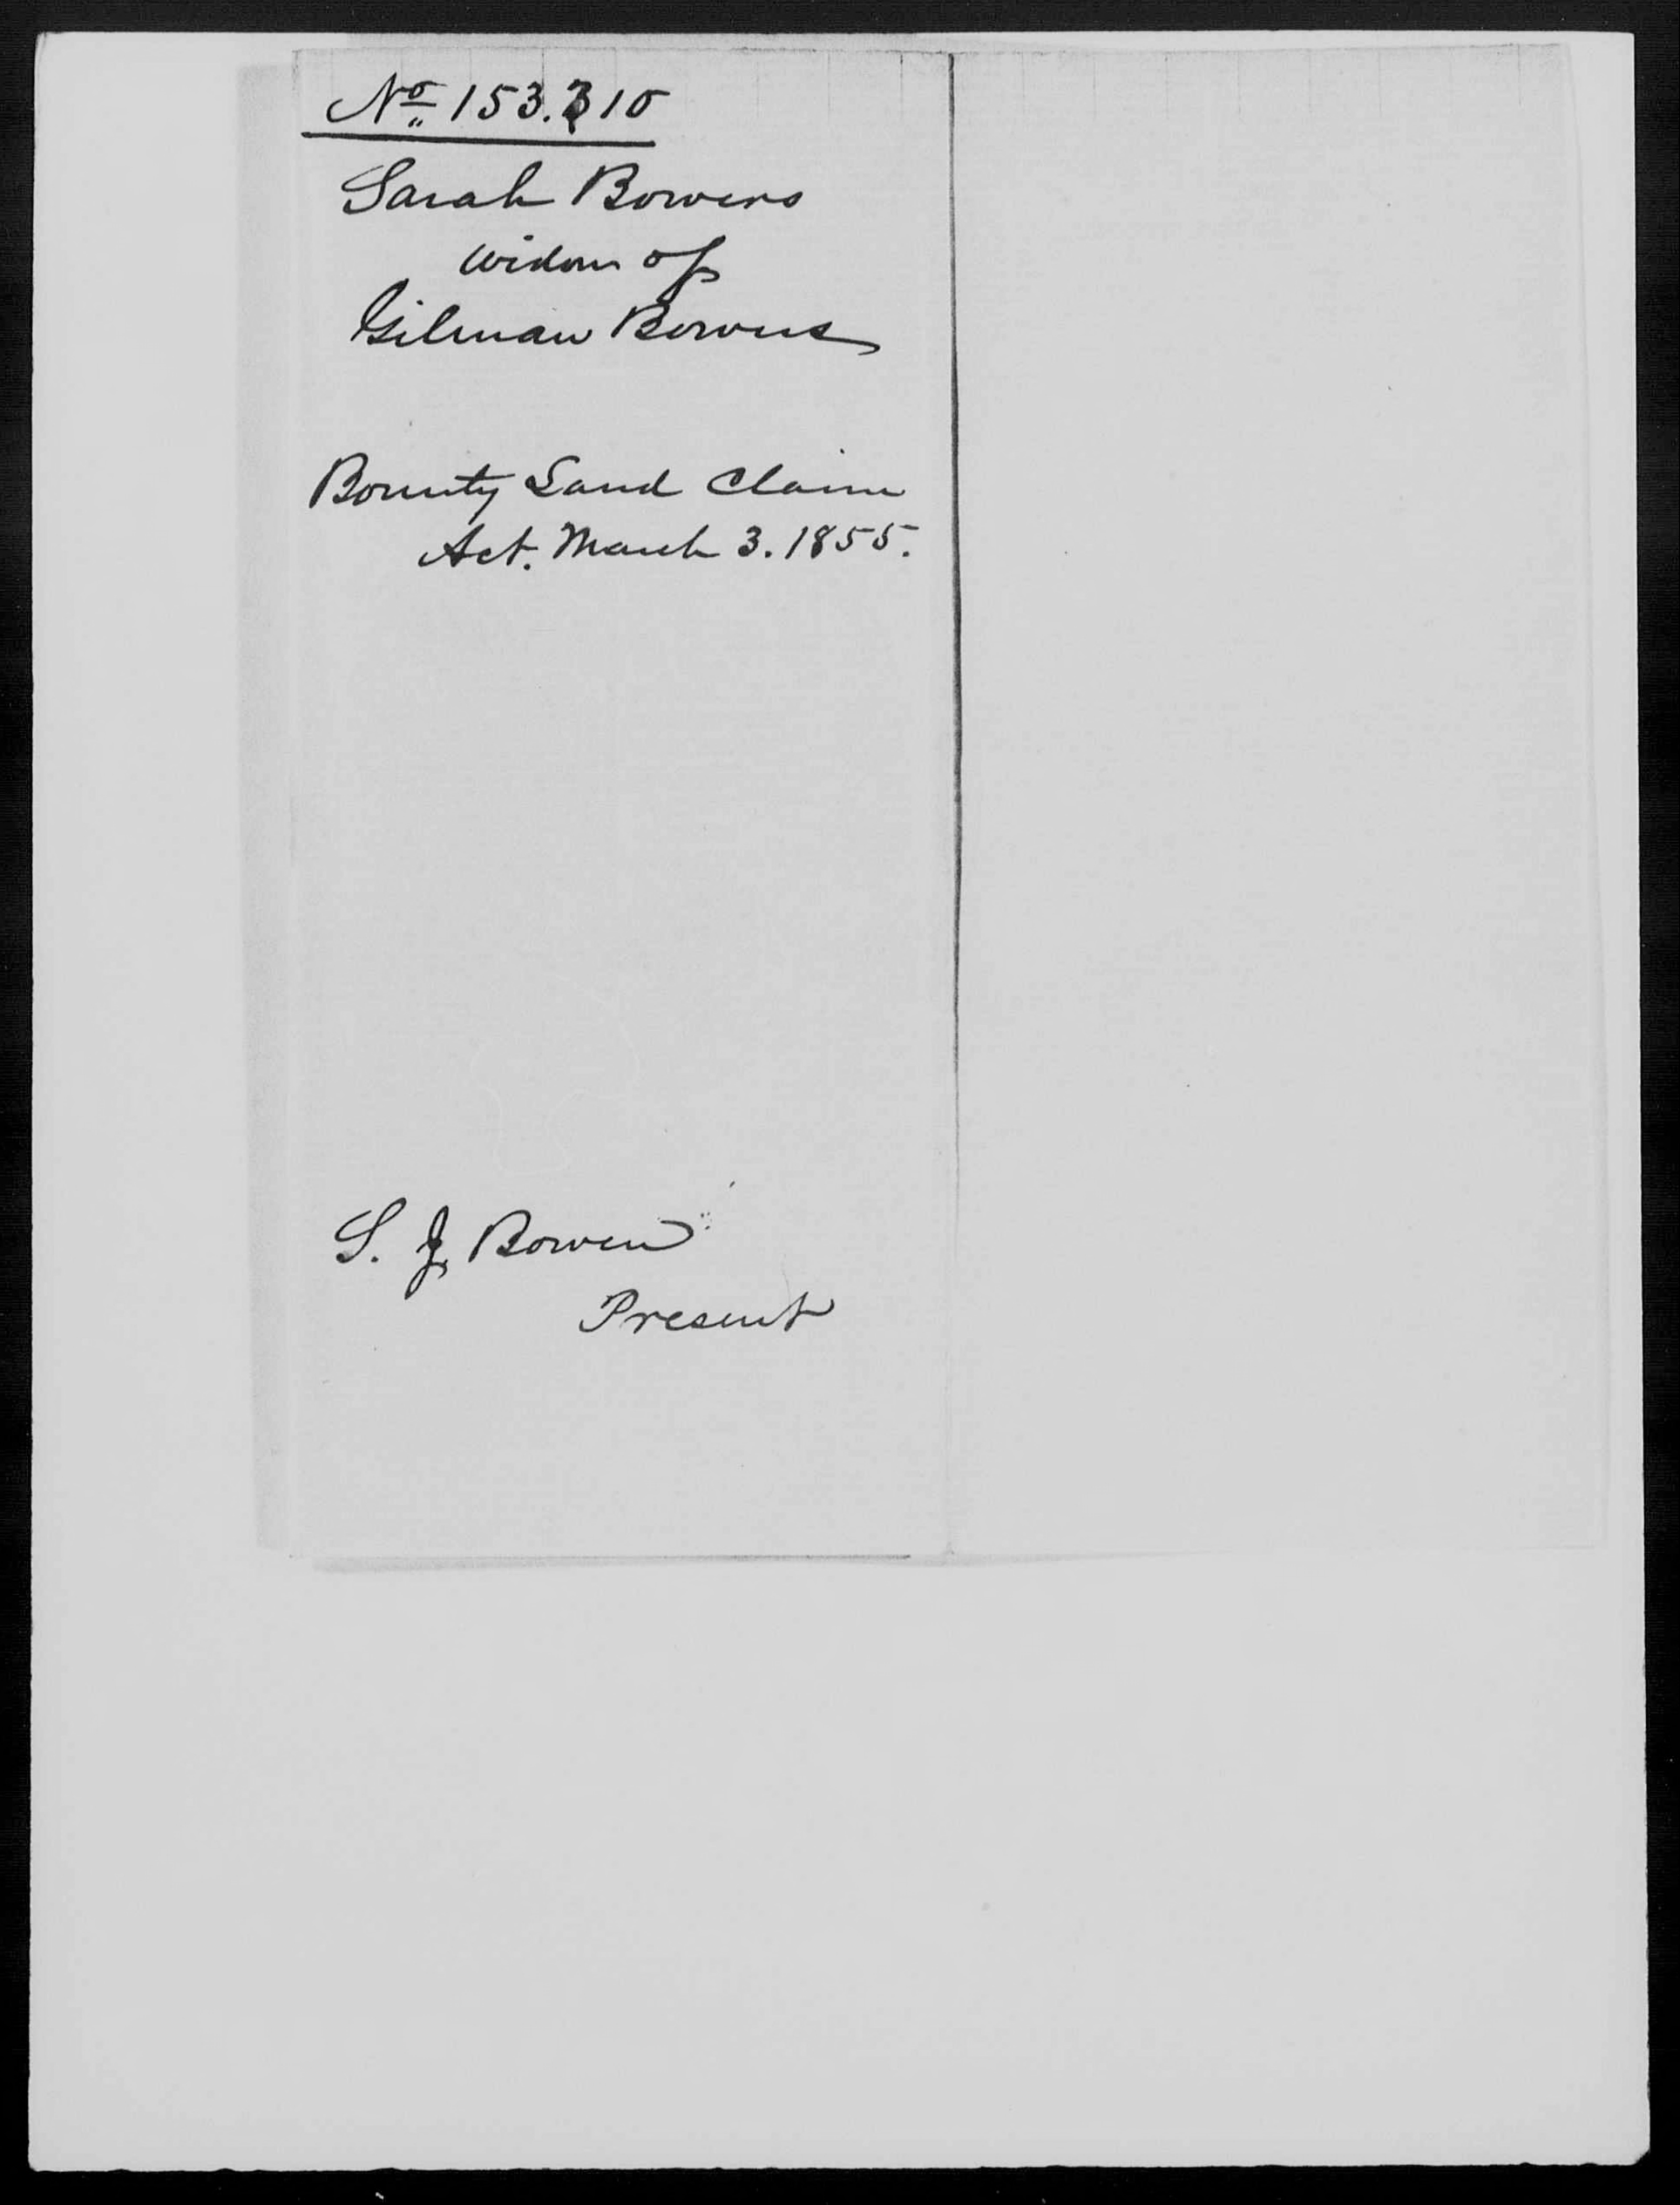No. 153.310
Sarah Bowers
widow of
Gilman Bowers
Bounty Land Claim
Act. March 3, 1855.

S. J. Bowers
Present .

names: Gilman Bowers, Sarah Bowers, S J Bowen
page: 24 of 42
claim: widow's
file: W. 23,652, Nehemiah Bowers, Mass.